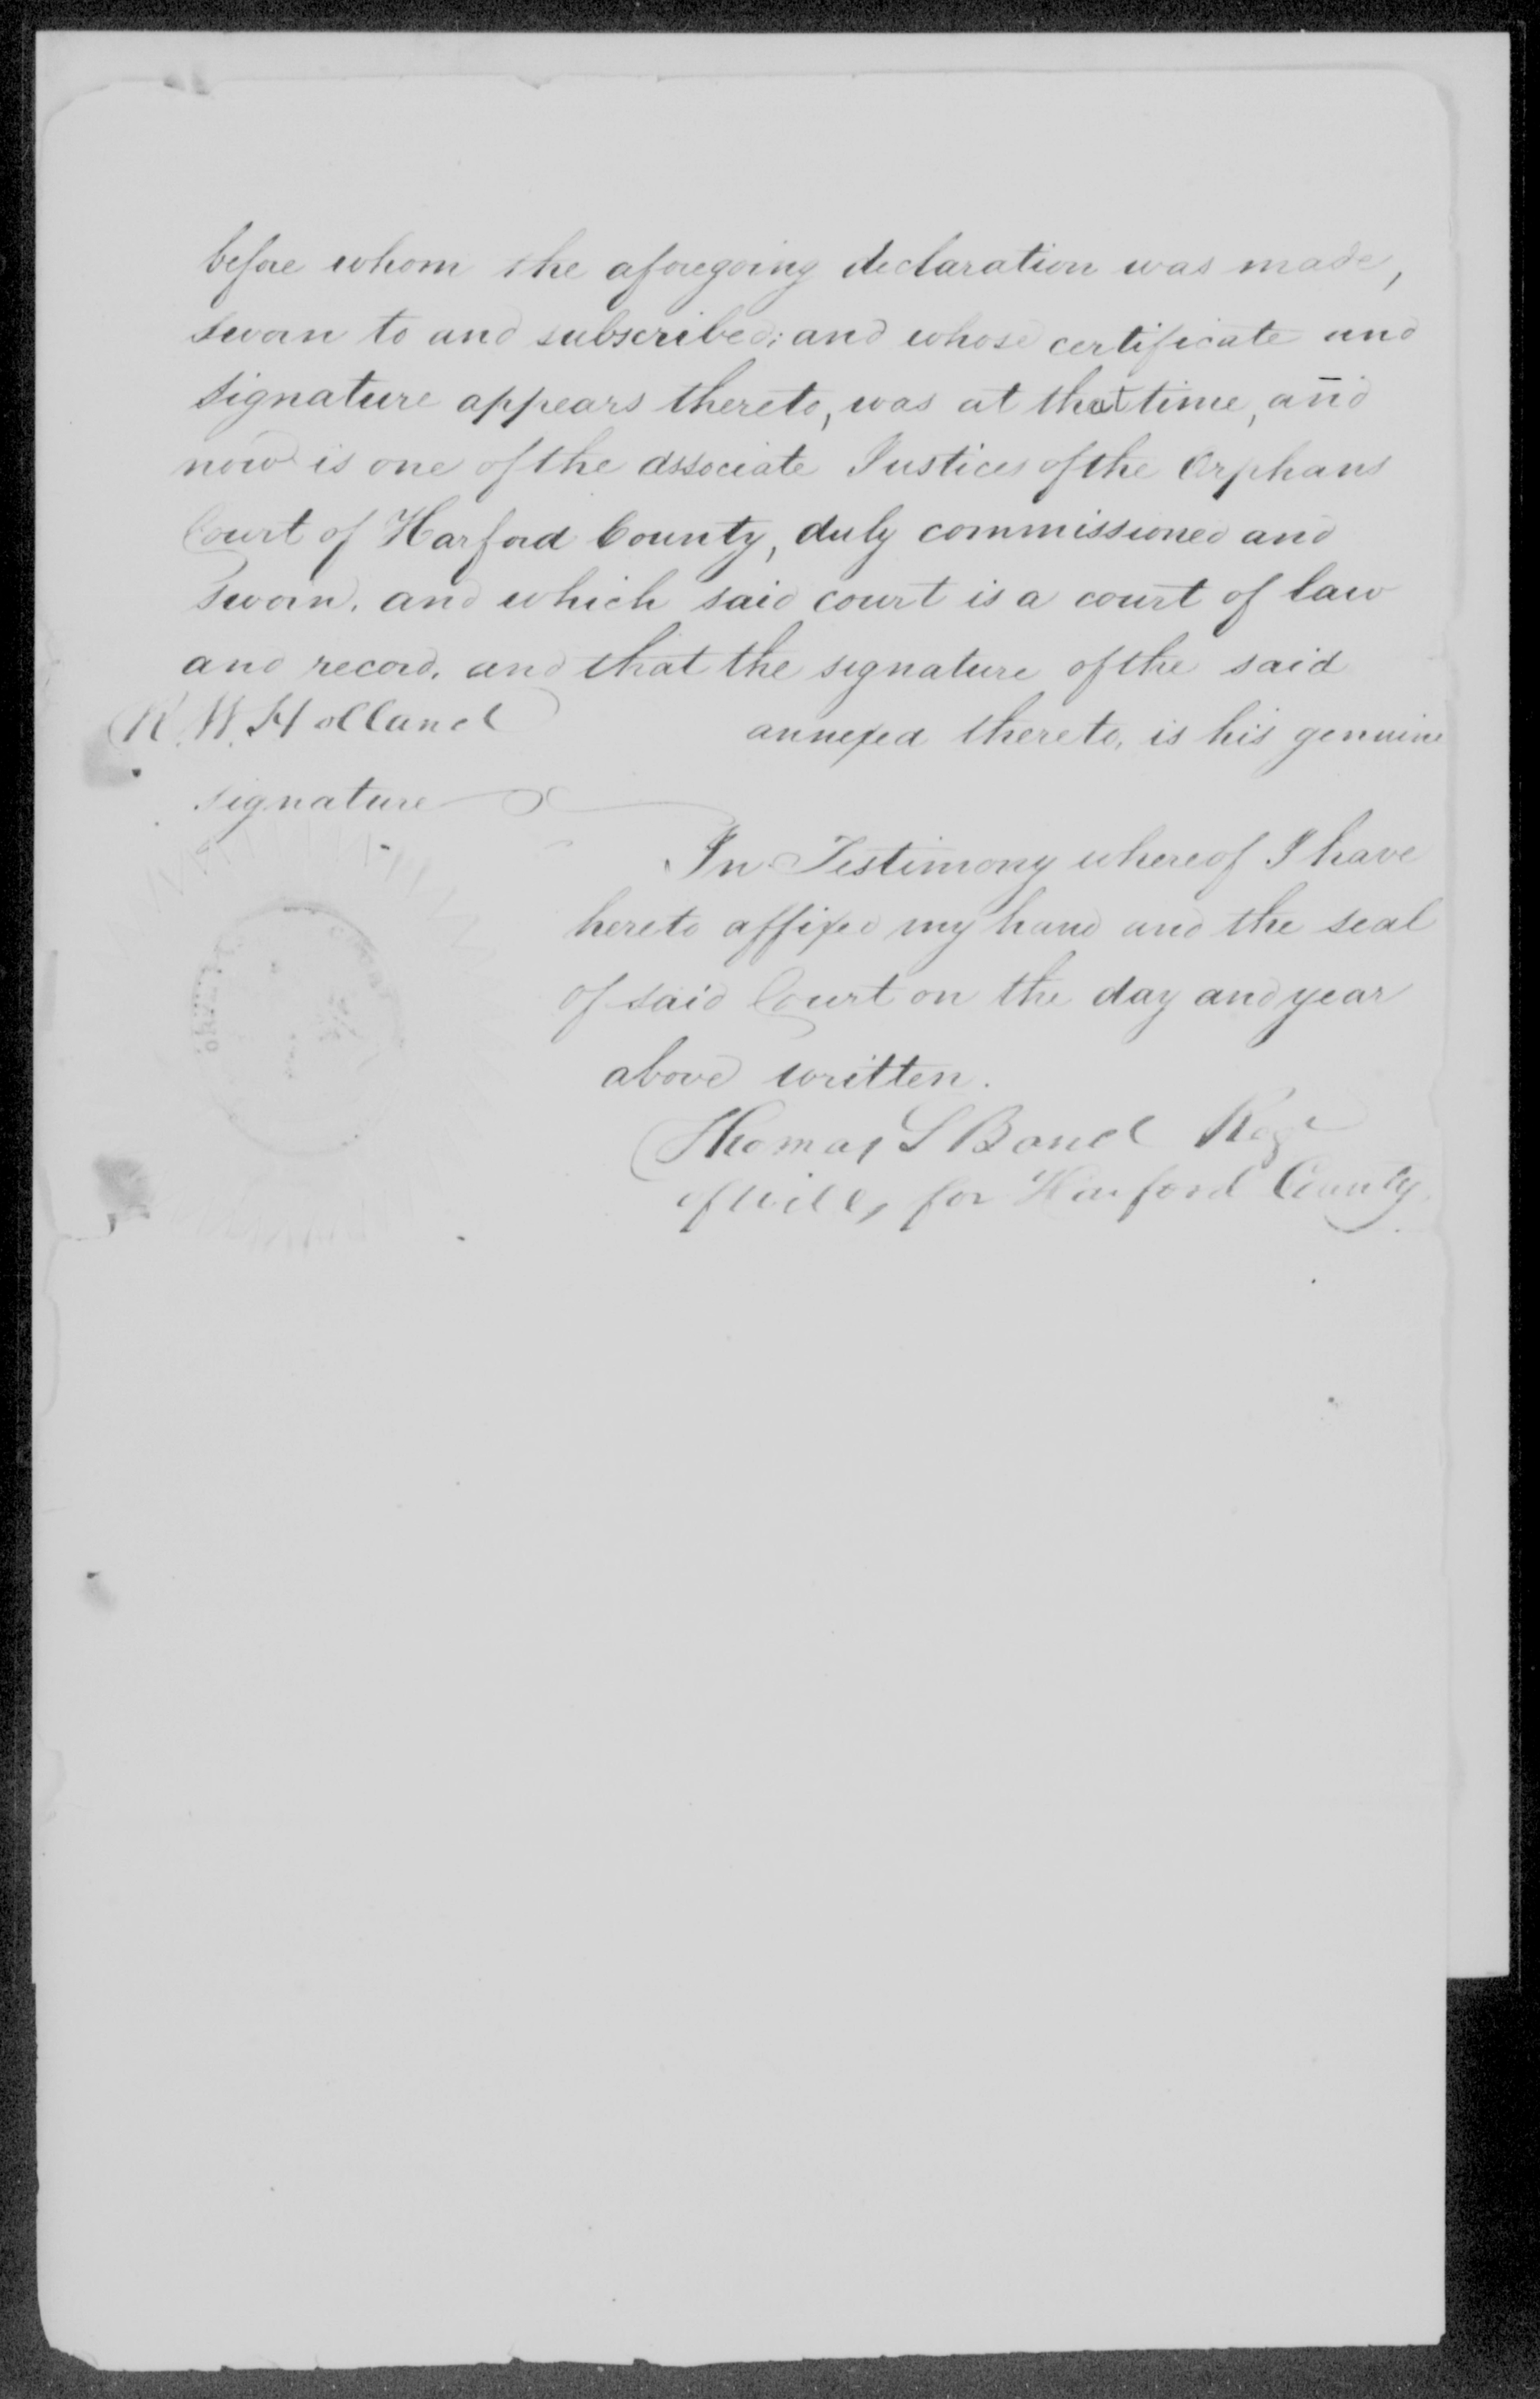before whom the aforegoing declaration was made, Sworn to and subscribed; and whose certificate and Signature appears thereto, was at that time, and now is one of the associate Justices of the Orphans Court of Harford County, duly commissioned and sworn, and which said court is a court of law and record, and that the signature of the said R. W. Holland annexed thereto, is his genuine signature

In Testimony whereof I have hereto affixed my hand and the seal of said Court on https://catalog.archives.gov/images/misc/drag.pngthe day and year above written
Thomas S Bond Regr [Registrar] of Wills for Harford County

[white paper with zig zag edges attached on left margin, illegible]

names: Thomas S Bond, R H Holland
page: 11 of 38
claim: widow's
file: W. 3899, John Wann, Penn.